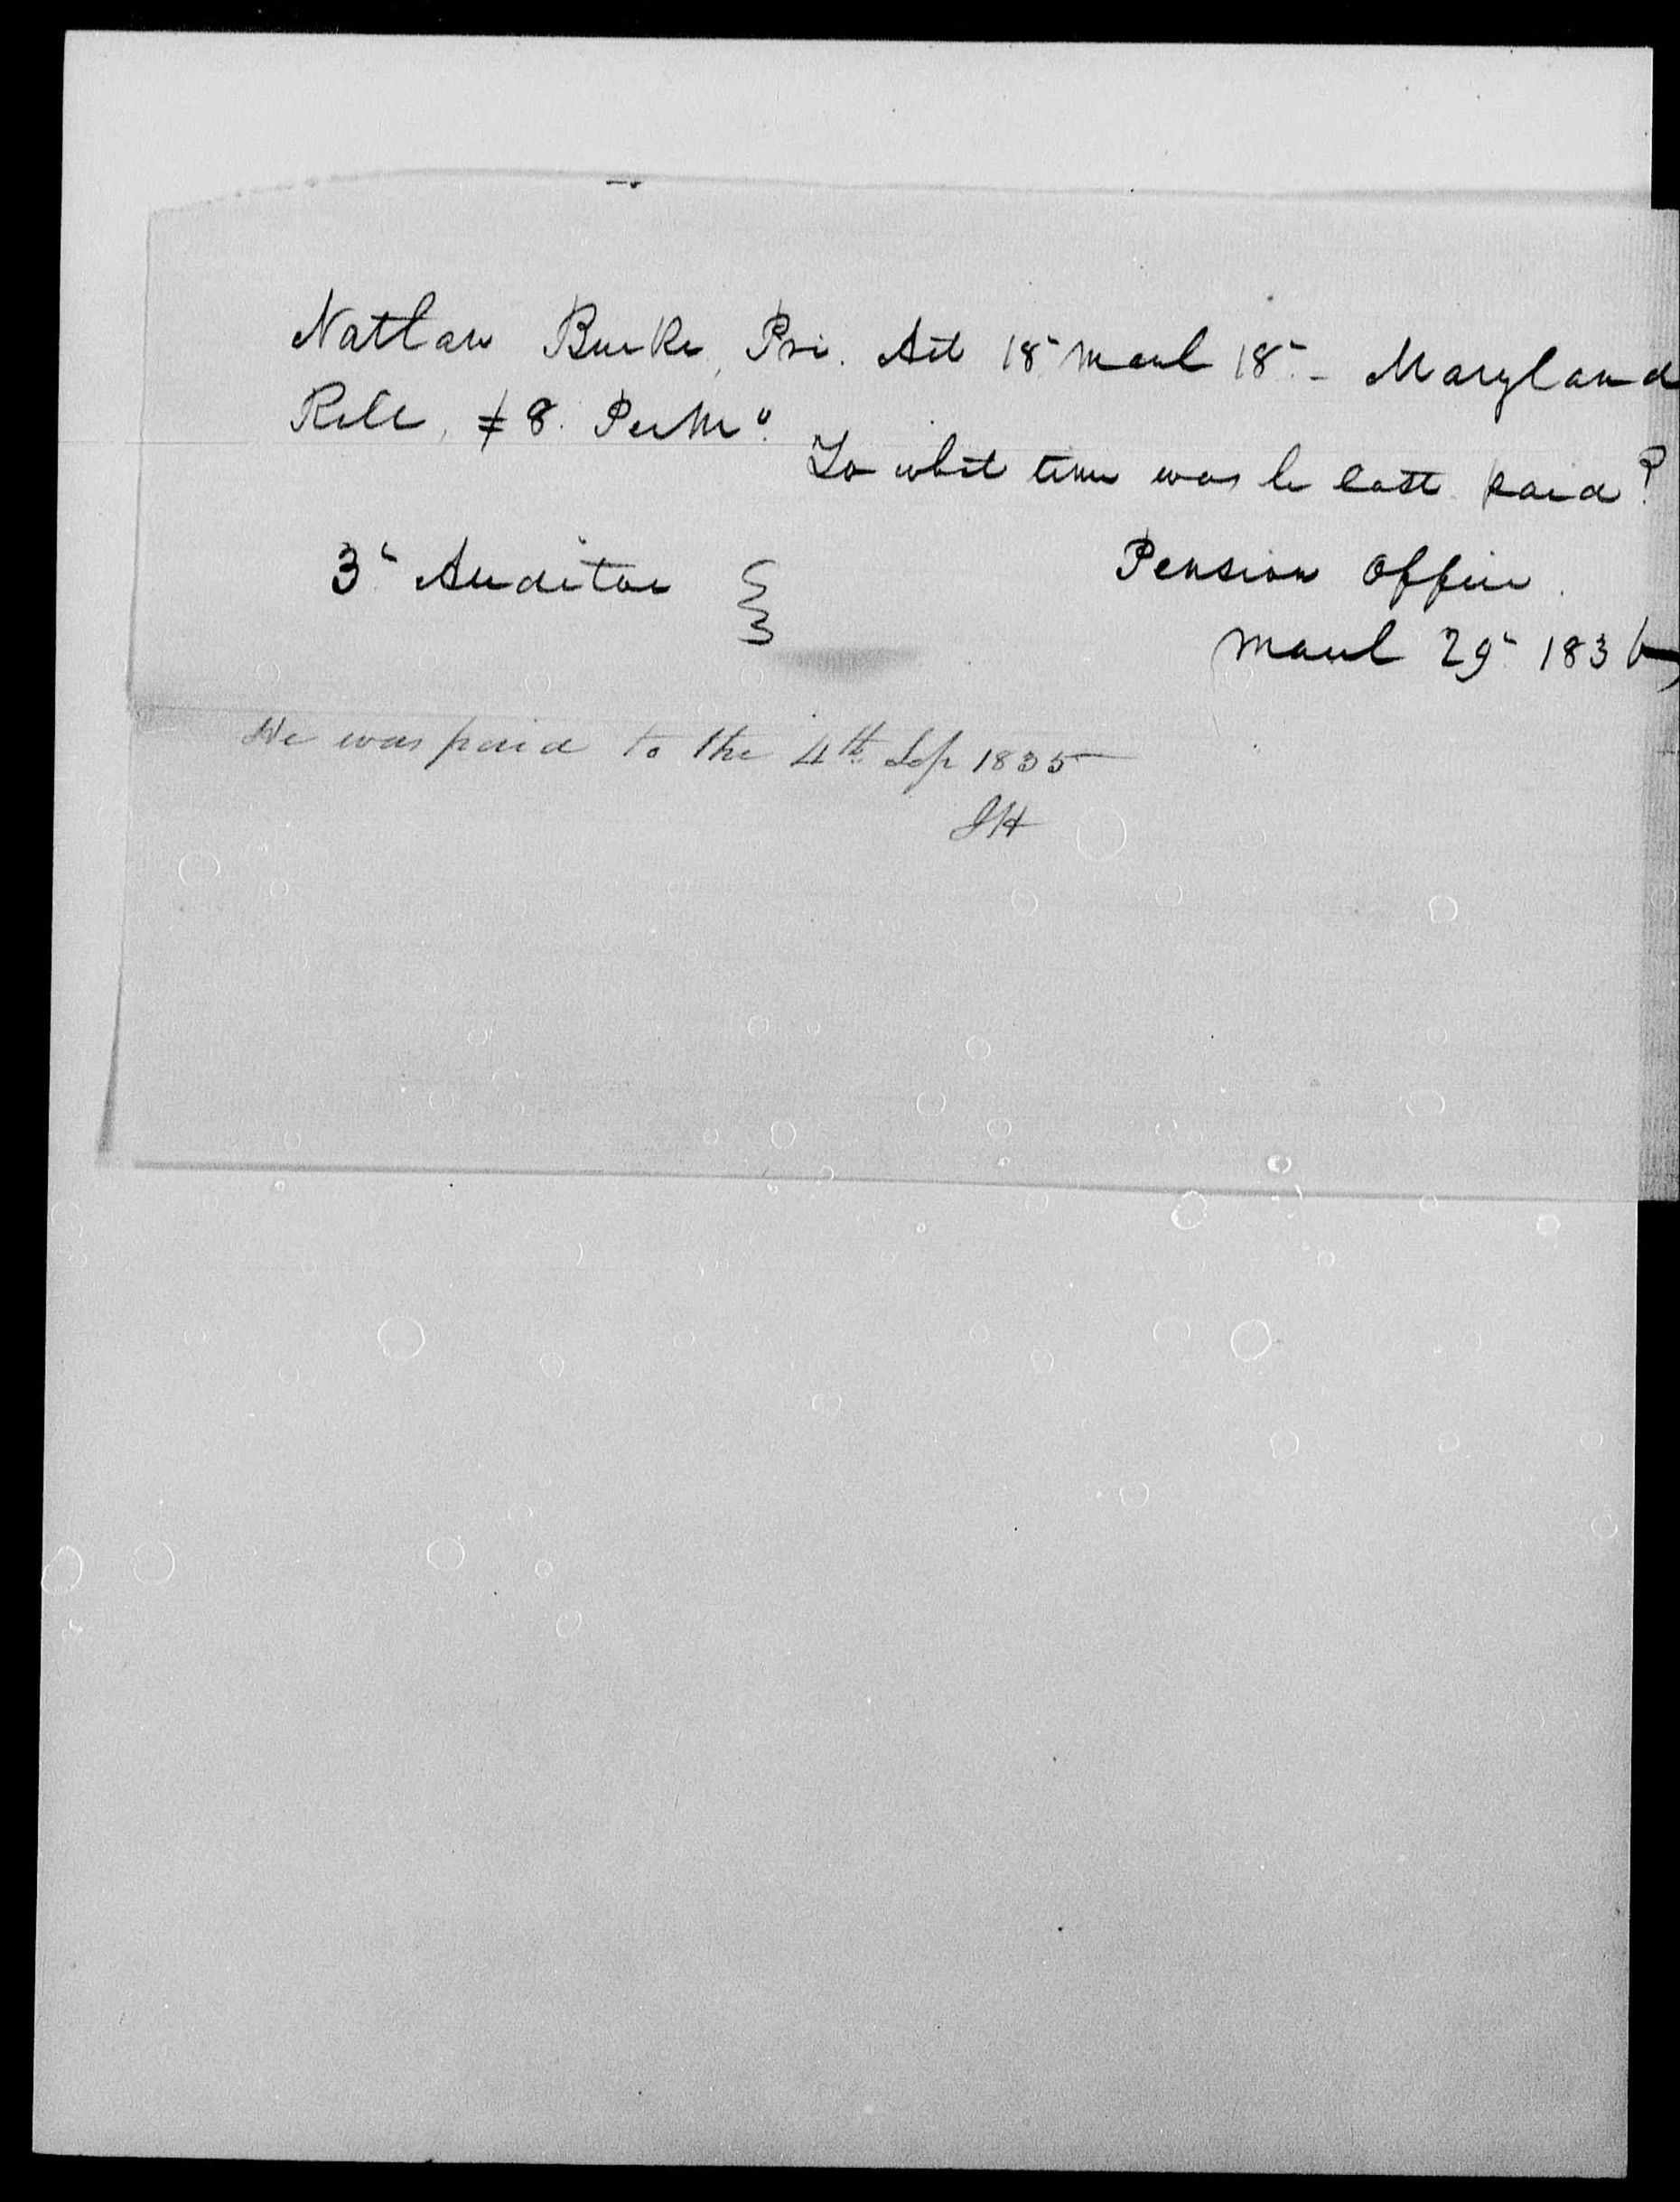Nathan Burke Pri. Act 18 Mar 18 Maryland
Rule, ≠ 8 Perk
To what time was he last paid?
Pension Office
Mar 29 1836
3rd Auditor
He was paid to the 4th Sep 1835
JH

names: Natlan Burke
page: 12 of 20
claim: survivor's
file: S. 34674, Nathan Burk, Md.